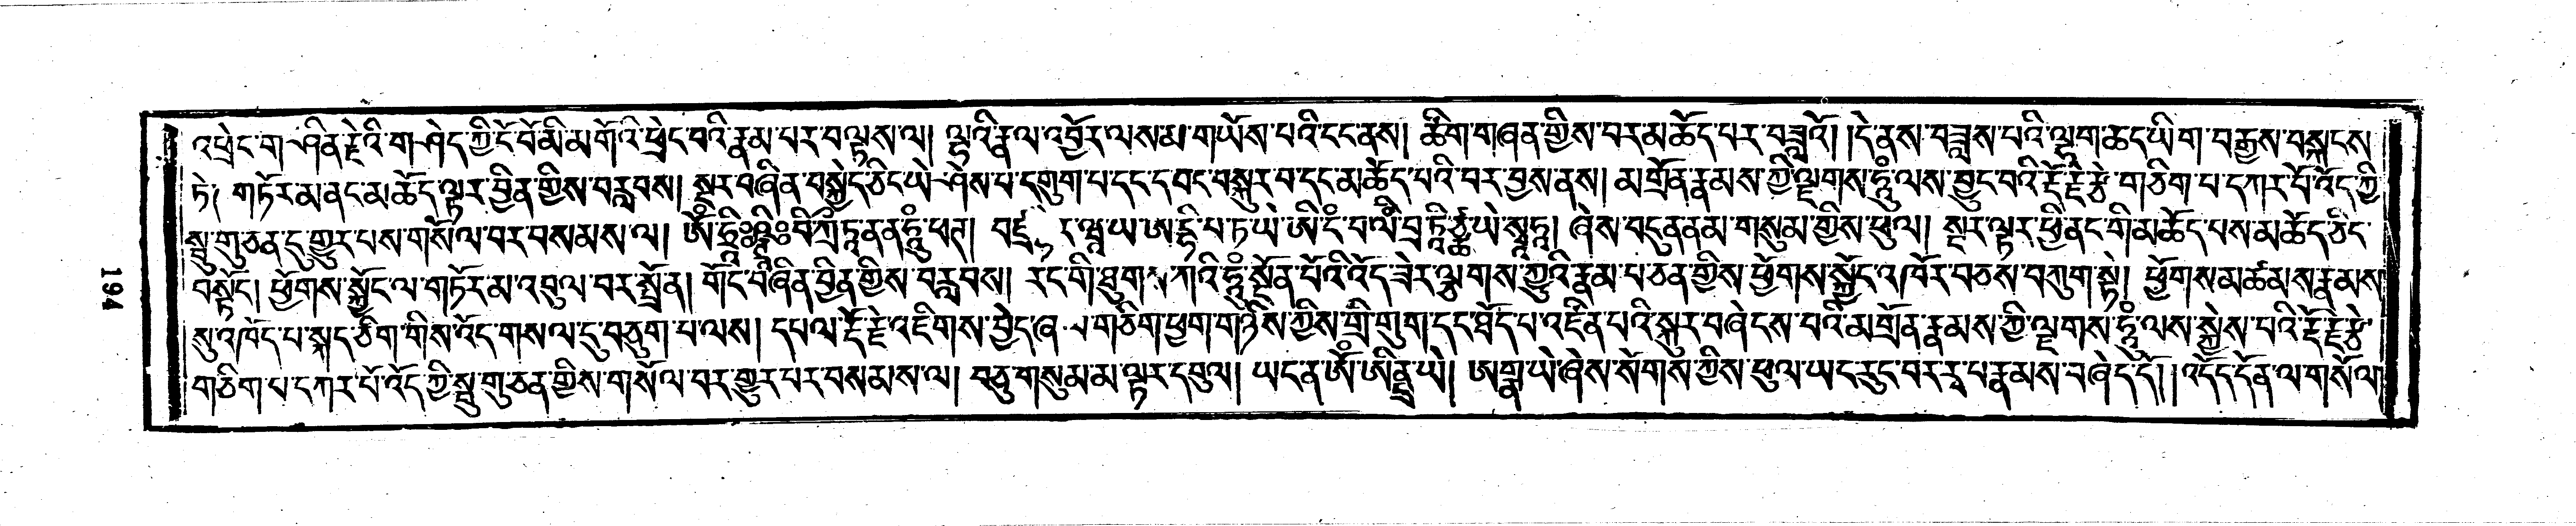འཕྲེང་གཤིན་རྗེའི་གཤེད་ཀྱི་ངོ་བོ་མི་མགོའི་ཕྲེང་བའི་རྣམ་པར་བལྟས་ལ། ལྷའི་རྣལ་འབྱོར་ལས་མ་གཡོས་པའི་ངང་ནས། ཚིག་གཞན་གྱིས་བར་མ་ཆོད་པར་བཟླའོ། །དེ་ནས་བཟླས་པའི་ལྷག་ཆད་ཡིག་བརྒྱས་བསྐངས་
ཏེ༑ གཏོར་མ་ནང་མཆོད་ལྟར་བྱིན་གྱིས་བརླབས། སྔར་བཞིན་བསྐྱེད་ཅིང་ཡེ་ཤེས་པ་དགུག་པ་དང་དབང་བསྐུར་བ་དང་མཆོད་པའི་བར་བྱས་ནས། མགྲོན་རྣམས་ཀྱི་ལྗགས་ཧཱུཾ་ལས་བྱུང་བའི་རྡོ་རྗེ་རྩེ་གཅིག་པ་དཀར་པོ་འོད་ཀྱི་
སྦུ་གུ་ཅན་དུ་གྱུར་པས་གསོལ་བར་བསམས་ལ། ཨོཾ་ཧྲཱིཿ ཥྚྲཱིཿ བི་ཀྲྀ་ཏཱ་ན་ན་ཧཱུཾ་ཕཊ། བཛྲ་བྷཻ་ར་ཝཱ་ཡ་ཨདྷི་པ་ཏ་ཡེ་ཨི་དཾ་བ་ལིཾ་པྲ་ཏཱི་ཙྪ་ཡེ་སྭཱཧཱ། ཞེས་བདུན་ནམ་གསུམ་གྱིས་ཕུལ། སྔར་ལྟར་ཕྱི་ནང་གི་མཆོད་པས་མཆོད་ཅིང་
བསྟོད། ཕྱོགས་སྐྱོང་ལ་གཏོར་མ་འབུལ་བར་སྤྲོ་ན། གོང་བཞིན་བྱིན་གྱིས་བརླབས། རང་གི་ཐུགས་ཀའི་ཧཱུཾ་སྔོན་པོའི་འོད་ཟེར་ལྕགས་ཀྱུའི་རྣམ་པ་ཅན་གྱིས་ཕྱོགས་སྐྱོང་འཁོར་བཅས་བཀུག་སྟེ། ཕྱོགས་མཚམས་རྣམས་
སུ་འཁོད་པ་སྐད་ཅིག་གིས་འོད་གསལ་དུ་བཅུག་པ་ལས། དཔལ་རྡོ་རྗེ་འཇིགས་བྱེད་ཞལ་གཅིག་ཕྱག་གཉིས་ཀྱིས་གྲི་གུག་དང་ཐོད་པ་འཛིན་པའི་སྐུར་བཞེངས་པའི་མགྲོན་རྣམས་ཀྱི་ལྗགས་ཧཱུཾ་ལས་སྐྱེས་པའི་རྡོ་རྗེ་རྩེ་
གཅིག་པ་དཀར་པོ་འོད་ཀྱི་སྦུ་གུ་ཅན་གྱིས་གསོལ་བར་གྱུར་པར་བསམས་ལ། བཅུ་གསུམ་མ་ལྟར་དབུལ། ཡང་ན་ཨོཾ་ཨིནྡྲ་ཡེ། ཨགན་ཡེ་ཞེས་སོགས་ཀྱིས་ཕུལ་ཡང་རུང་བར་རྭ་པ་རྣམས་བཞེད་དོ། །འདོད་དོན་ལ་གསོལ་